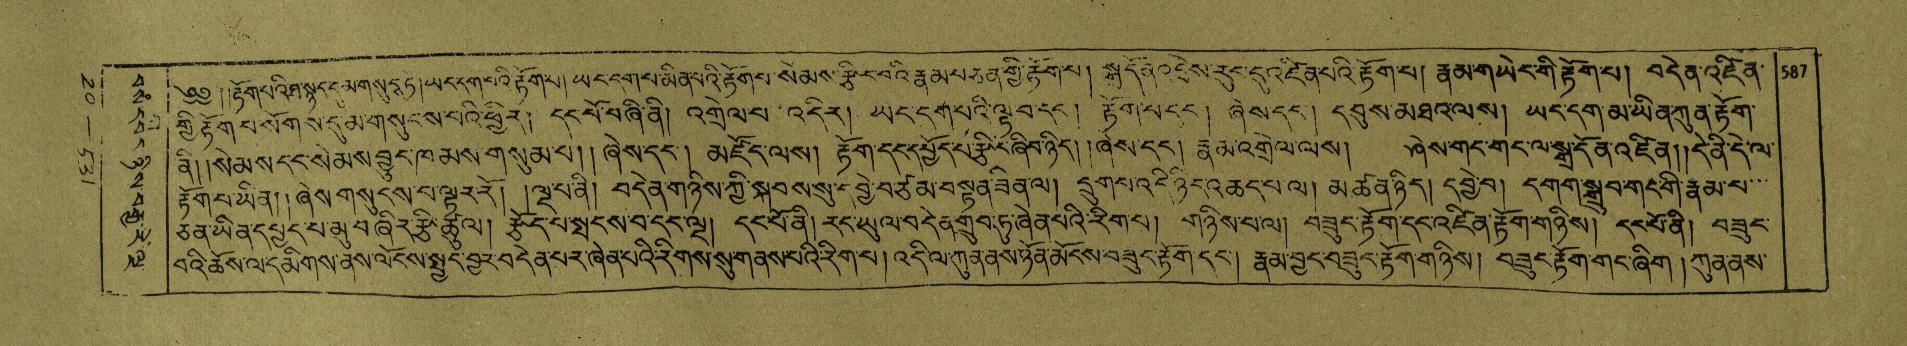༄༅། །རྟོག་པའི་ཐ་སྙད་དུ་མ་གསུངས་ཏེ། ཡང་དག་པའི་རྟོག་པ། ཡང་དག་པ་མིན་པའི་རྟོག་པ་སེམས་རྩིན་བའི་རྣམ་པ་ཅན་གྱི་རྟོག་པ། སྒྲ་དོན་འདྲེས་རུང་དུ་འཛིན་པའི་རྟོག་པ། རྣམ་གཡེང་གི་རྟོག་པ། བདེན་འཛིན་
གྱི་རྟོག་པ་སོགས་དུ་མ་གསུངས་པའི་ཕྱིར། དང་པོ་བཞི་ནི། འགྲེལ་བ་འདིར། ཡང་དག་པའི་ལྟ་བ་དང་། རྟོག་པ་དང་། ཞེས་དང་། དབུས་མཐའ་ལས། ཡང་དག་མ་ཡིན་ཀུན་རྟོག་
ནི། །སེམས་དང་སེམས་བྱུང་ཁམས་གསུམ་པ། །ཞེས་དང་། མཛོད་ལས། རྟོག་དང་དཔྱོད་པ་རྩིང་ཞིབ་ཉིད། །ཞེས་དང་། རྣམ་འགྲེལ་ལས། ཤེས་གང་གང་ལ་སྒྲ་དོན་འཛིན། །དེ་ནི་དེ་ལ་
རྟོག་པ་ཡིན། །ཞེས་གསུངས་པ་ལྟར་རོ། །ལྔ་པ་ནི། བདེན་གཉིས་ཀྱི་སྐབས་སུ་དབྱེ་བ་ཙམ་བསྟན་ཟིན་ལ། དྲུག་པ་འདི་ཉིད་འཆད་པ་ལ། མཚན་ཉིད། དབྱེ་བ། དགག་སྒྲུབ་གང་གི་རྣམ་པ་
ཅན་ཡིན་དཔྱད་པ་མུ་བཞིར་རྩི་ཚུལ། རྩོད་པ་སྤངས་བ་དང་ལྔ། དང་པོ་ནི། རང་ཡུལ་བདེན་ཀུན་གྲུབ་ཏུ་ཞེན་པའི་རིག་པ། གཉིས་པ་ལ། བཟུང་རྟོག་དང་འཛིན་རྟོག་གཉིས། དང་པོ་ནི། བཟུང་
བའི་ཆོས་ལ་དམིགས་ནས་ལོངས་སྤྱད་བྱར་བདེན་པར་ཞེན་པའི་རིགས་སུ་གནས་པའི་རིག་པ། འདི་ལ་ཀུན་ནས་ཉོན་མོངས་བཟུང་རྟོག་དང་། རྣམ་བྱང་བཟུང་རྟོག་གཉིས། བཟུང་རྟོག་གང་ཞིག །ཀུན་ནས་